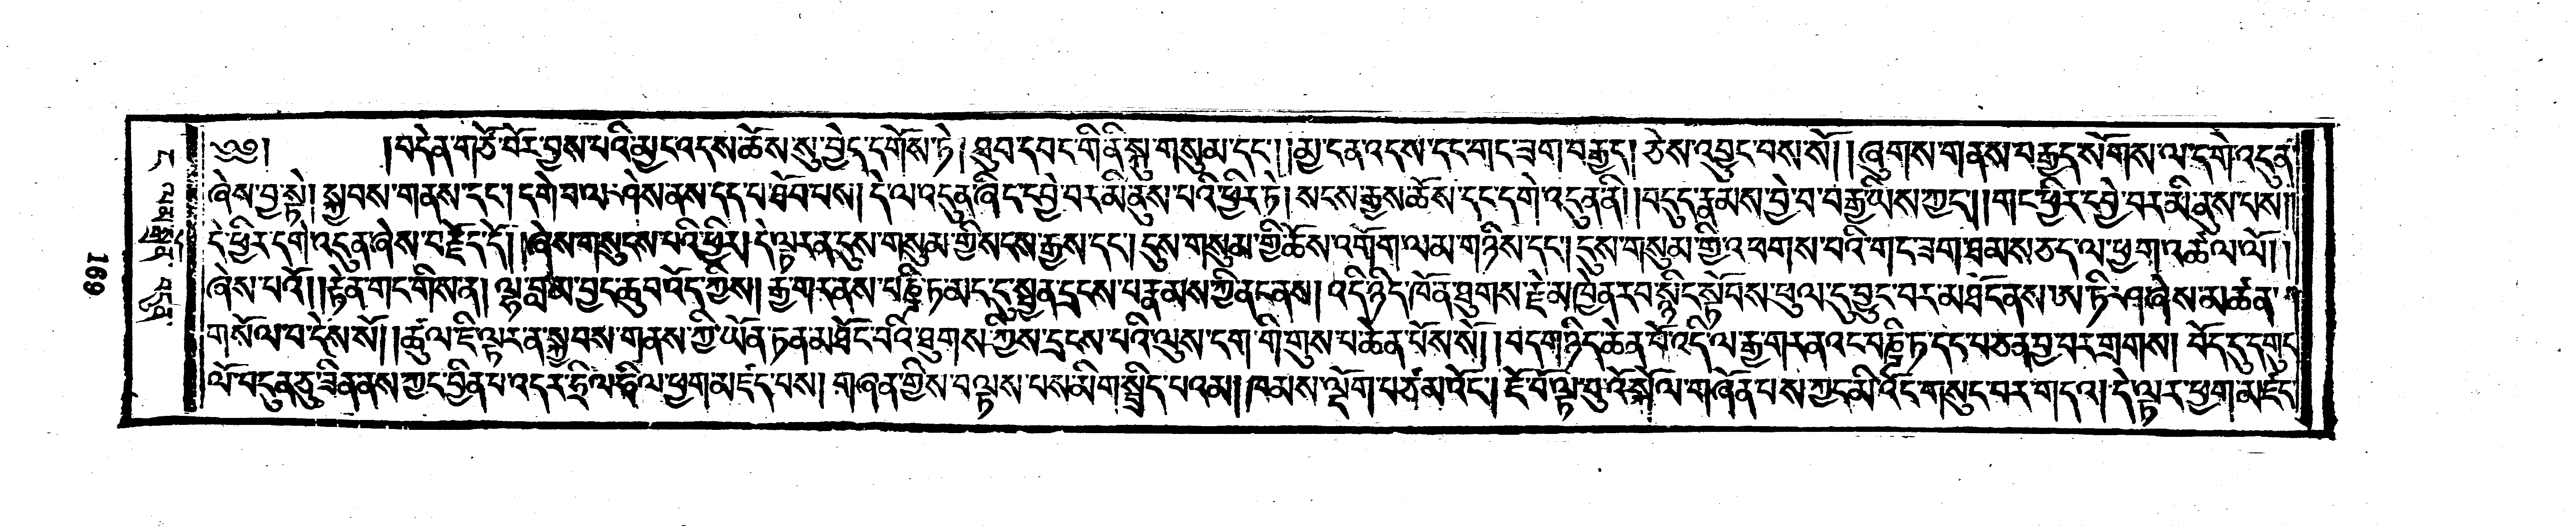༄༅། །བདེན་གཙོ་བོར་བྱས་པའི་མྱང་འདས་ཆོས་སུ་བྱེད་དགོས་ཏེ། ཐུབ་དབང་གི་ནི་སྐུ་གསུམ་དང་། །མྱ་ངན་འདས་དང་གང་ཟག་བརྒྱད། ཅེས་འབྱུང་པས་སོ། །ཞུགས་གནས་བརྒྱད་སོགས་ལ་དགེ་འདུན་
ཞེས་བྱ་སྟེ། སྐྱབས་གནས་དང་། དགེ་བ་ལ་ཤེས་ནས་དད་པ་ཐོབ་པས། དེ་ལ་འདུན་ཞིང་དབྱེ་བར་མི་ནུས་པའི་ཕྱིར་ཏེ། སངས་རྒྱས་ཆོས་དང་དགེ་འདུན་ནི། །བདུད་རྣམས་བྱེ་བ་བརྒྱ་ཡིས་ཀྱང་། །གང་ཕྱིར་དབྱེ་བར་མི་ནུས་པས། །
དེ་ཕྱིར་དགེ་འདུན་ཞེས་བརྗོད་དོ། །ཞེས་གསུངས་པའི་ཕྱིར། དེ་ལྟར་ན་དུས་གསུམ་གྱི་སངས་རྒྱས་དང་། དུས་གསུམ་གྱི་ཆོས་འགོག་ལམ་གཉིས་དང་། དུས་གསུམ་གྱི་འཕགས་པའི་གང་ཟག་ཐམས་ཅད་ལ་ཕྱག་འཚལ་ལོ། །
ཞེས་པའོ། །རྟེན་གང་གིས་ན། ལྷ་བླ་མ་བྱང་ཆུབ་འོད་ཀྱིས། རྒྱ་གར་ནས་པཎྜི་ཏ་མང་དུ་སྤྱན་དྲངས་པ་རྣམས་ཀྱི་ནང་ནས། འདི་ཉིད་ཁོ་ན་ཐུགས་རྗེ་མཁྱེན་རབ་སྙིང་སྟོབས་ཕུལ་དུ་བྱུང་བར་མཐོང་ནས་ཨ་ཏི་ཤ་ཞེས་མཚན་
གསོལ་བ་ངེས་སོ། །ཚུལ་ཇི་ལྟར་ན་སྐྱབས་གནས་ཀྱི་ཡོན་ཏན་མཐོང་བའི་ཐུགས་ཀྱིས་དྲངས་པའི་ལུས་ངག་གི་གུས་པ་ཆེན་པོས་སོ། །བདག་ཉིད་ཆེན་པོ་འདི་ལ་རྒྱ་གར་ནའང་པཎྜི་ཏ་དད་པ་ཅན་བྱ་བར་གྲགས། བོད་དུ་དགུང་
ལོ་བདུན་ཅུ་ཟིན་ནས་ཀྱང་བྱིན་པ་འདར་ཧྲིལ་ཧྲིལ་ཕྱག་མཛད་པས། གཞན་གྱིས་བལྟས་པས་མིག་སྤྲིད་པའམ། ཁམས་ལྡོག་པ་ཙམ་འོང་། ཇོ་བོ་ལྟ་བུ་འོ་སྐོལ་གཞོན་པས་ཀྱང་མི་འོང་གསུང་བར་གདའ། དེ་ལྟར་ཕྱག་མཛད་